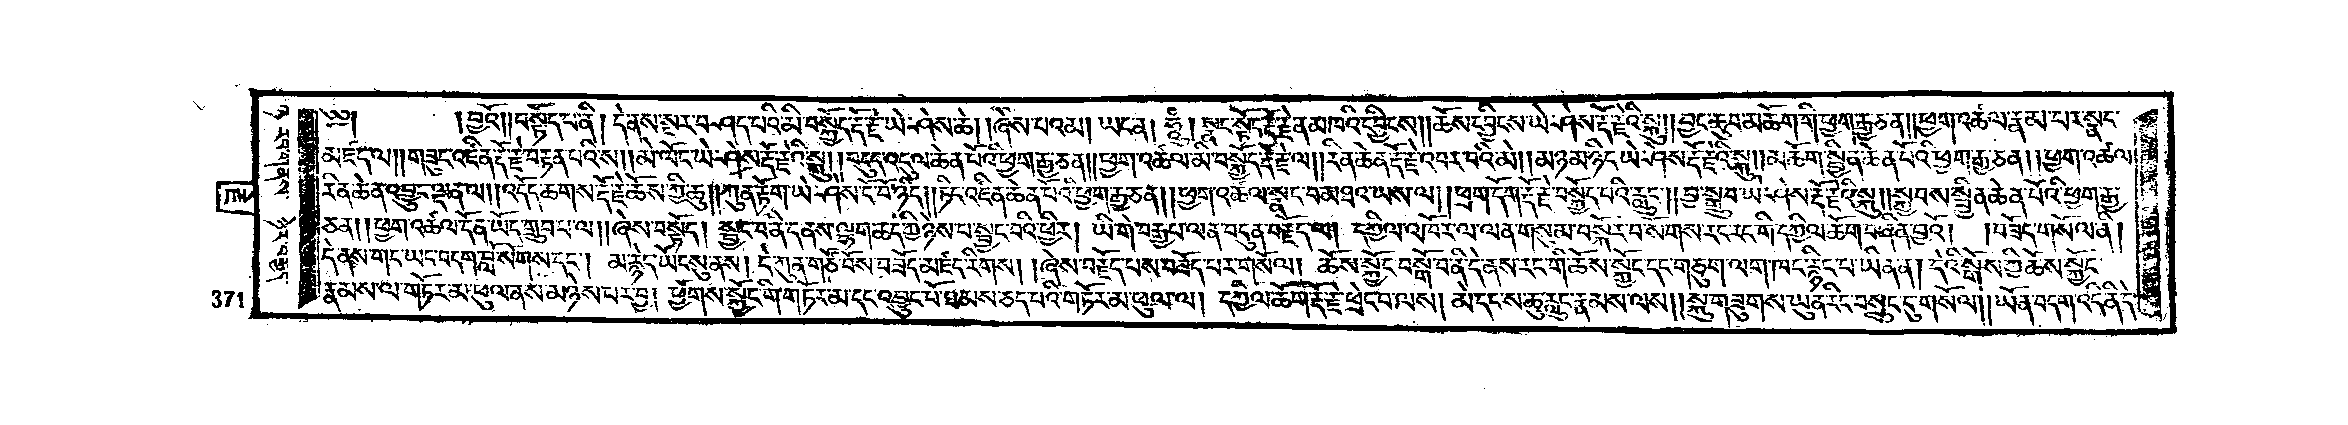༄༅། །བྱའོ། །བསྟོད་པ་ནི། དེ་ནས་སྔར་བཤད་པའི་མི་བསྐྱོད་རྡོ་རྗེ་ཡེ་ཤེས་ཆེ། །ཞེས་པའམ། ཡང་ན། ཧཱུཾ། སྣང་སྟོང་རྡོ་རྗེ་ནམ་མཁའི་དབྱིངས། །ཆོས་དབྱིངས་ཡེ་ཤེས་རྡོ་རྗེའི་སྐུ། །བྱང་ཆུབ་མཆོག་གི་ཕྱག་རྒྱ་ཅན། །ཕྱག་འཚལ་རྣམ་པར་སྣང་
མཛད་ལ། །གཟུང་འཛིན་རྡོ་རྗེ་བརྟན་པའི་ས། །མེ་ལོང་ཡེ་ཤེས་རྡོ་རྗེའི་སྐུ། །བདུད་འདུལ་ཆེན་པོའི་ཕྱག་རྒྱ་ཅན། །ཕྱག་འཚལ་མི་བསྐྱོད་རྡོ་རྗེ་ལ། །རིན་ཆེན་རྡོ་རྗེ་འབར་བའི་མེ། །མཉམ་ཉིད་ཡེ་ཤེས་རྡོ་རྗེའི་སྐུ། །མཆོག་སྦྱིན་ཆེན་པོའི་ཕྱག་རྒྱ་ཅན། །ཕྱག་འཚལ་
རིན་ཆེན་འབྱུང་ལྡན་ལ། །འདོད་ཆགས་རྡོ་རྗེ་ཆོས་ཀྱི་ཆུ་།ཀུན་རྟོག་ཡེ་ཤེས་ངོ་བོ་ཉིད། །ཏིང་འཛིན་ཆེན་པོའི་ཕྱག་རྒྱ་ཅན། །ཕྱག་འཚལ་སྣང་བ་མཐའ་ཡས་ལ། །ཕྲག་དོག་རྡོ་རྗེ་བསྐྱོད་པའི་རླུང་། །བྱ་སྒྲུབ་ཡེ་ཤེས་རྡོ་རྗེའི་སྐུ། །སྐྱབས་སྦྱིན་ཆེན་པོའི་ཕྱག་རྒྱ་
ཅན། །ཕྱག་འཚལ་དོན་ཡོད་གྲུབ་པ་ལ། །ཞེས་བསྟོད། སྦྱང་བ་ནི་དེ་ནས་ལྷག་ཆད་ཀྱི་ཉེས་པ་སྦྱང་བའི་ཕྱིར། ཡི་གེ་བརྒྱ་པ་ལན་བདུན་བརྗོད་ལ། དཀྱིལ་འཁོར་ལ་ལན་གསུམ་བསྐོར་བ་སོགས་རང་རང་གི་དཀྱིལ་ཆོག་བཞིན་བྱའོ། །བཟོད་གསོལ་ནི།
དེ་ནས་གང་ཡང་བདག་བློ་སོགས་དང་། མ་རྙེད་ཡོངས་སུ་ནས། དེ་ཀུན་གཙོ་བོས་བཟོད་མཛད་རིགས། །ཞེས་བརྗོད་པས་བཟོད་པར་གསོལ། ཆོས་སྐྱོང་བསྒོ་བ་ནི་དེ་ནས་རང་གི་ཆོས་སྐྱོང་དང་གཙུག་ལག་ཁང་རྙིང་པ་ཡིན་ན། དེའི་སྒོས་ཀྱི་ཆོས་སྐྱོང་
རྣམས་ལ་གཏོར་མ་ཕུལ་ནས་མཉེས་པར་བྱ། ཕྱོགས་སྐྱོང་གི་གཏོར་མ་དང་འབྱུང་པོ་ཐམས་ཅད་པའི་གཏོར་མ་ཕུལ་ལ། དཀྱིལ་ཆོག་རྡོ་རྗེ་ཕྲེང་བ་ལས། མེ་དང་ས་ཆུ་རླུང་རྣམས་ལས། །སྐུ་གཟུགས་ཡུན་རིང་བསྲུང་དུ་གསོལ། །ཡོན་བདག་འདི་ནི་དེ་